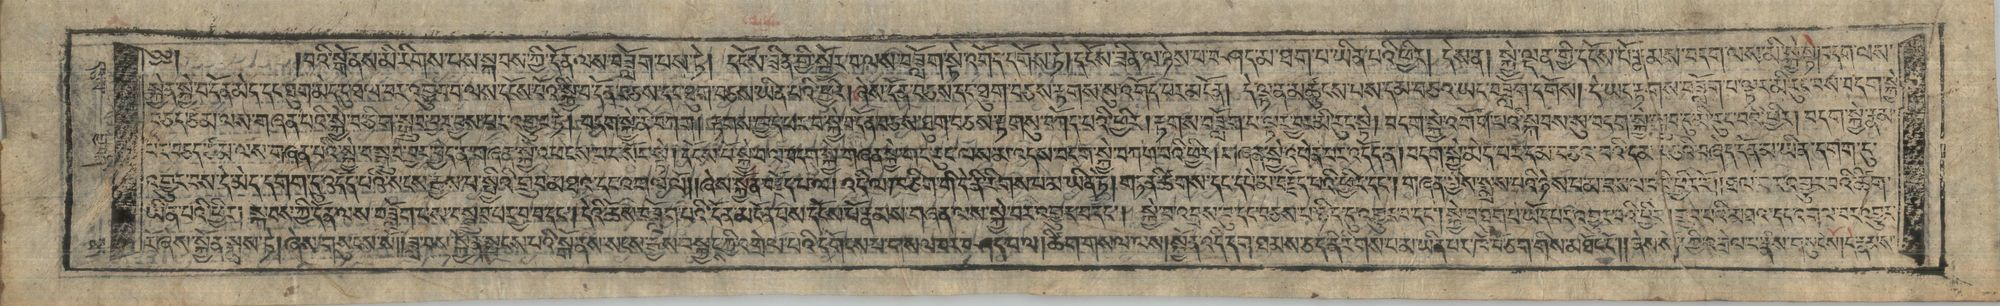༄༅། །བའི་སྒོ་ནས་མི་རིགས་པས་སྐབས་ཀྱི་དོན་ལས་བཟློག་པས་ཏེ། དངོས་ཟིན་གྱི་སྦྱོར་བ་ལས་བཟློག་སྟེ་འགོད་དགོས་ཏེ། དངོས་ཟིན་ལ་ཉེས་པ་བཤད་མ་ཐག་པ་ཡིན་པའི་ཕྱིར། དེས་ན། སྐྱེ་ལྡན་གྱི་དངོས་པོ་རྣམས་བདག་ལས་མི་སྐྱེ་སྟེ། བདག་ལས་
སྐྱེནྶྐྱེ་བ་དོན་མེད་དང་ཐུག་མེད་དུ་ཐལ་པར་འགྱུར་བ་ལས་དངོས་པོའི་སྐྱེ་པ་དོན་བཅས་དང་ཐུག་བཅས་ཡིན་པའི་ཕྱིར། ཞེས་དོན་བཅས་དང་ཐུག་བཅས་རྟགས་སུ་འགོད་པར་མངོན། དེ་ལྟནྨྪུངས་པས་དམ་བཅའ་ཡང་བཟློག་དགོས། དེ་ཡང་རྟགས་བཟློག་པ་ལྟར་མི་རུང་བས་བདག་སྐྱེ་
བཅད་ཙམ་ལས་གཞན་པའི་སྐྱེ་བ་ཅིག་སྒྲུབ་བྱར་བྱས་པར་འགྱུར་ཏེ། བདག་སྐྱེ་ནི་བཀག །རྟགས་ཁྱད་པར་བ་སྐྱེ་བ་དོན་བཅས་ཐུག་བཅས་རྟགས་སུ་བཀོད་པའི་ཕྱིར། རྟགས་བཟློག་པ་ལྟར་བྱར་མི་རུང་སྟེ། བདག་སྐྱེ་འགོག་པའི་སྐབས་སུ་བདག་སྐྱེ་སྒྲུབ་དུ་མི་རུང་བའི་ཕྱིར། བདག་སྐྱེ་རྣམ་
པར་བཅད་ཙམ་ལས་གཞན་པའི་སྐྱེ་བ་སྒྲུབ་བྱར་བྱེད་ན་གཞན་སྐྱེ་འཕངས་པར་སོང་སྟེ། དངོས་པོ་སྐྱེ་བ་ལ་བདག་སྐྱེ་གཞན་སྐྱེ་གང་རུང་ལས་མ་འདས་བདག་སྐྱེ་བཀག་པའི་ཕྱིར། གཞན་སྐྱེ་འཕེན་པར་འདོད་ན། བདག་སྐྱེ་མེད་པར་དམ་བཅའ་བའི་དམ་བཅའི་བཞེད་དོན་མ་ཡིན་དགག་དུ་
འགྱུར་བས་དེ་མེད་དགག་དུ་འདོད་པའི་སངས་རྒྱས་པ་སྤྱིའི་གྲུབ་མཐའ་དང་འགལ་ལོ། །ཞེས་སྐྱོན་བརྗོད་པ་ལ། འདི་ལ་ཁ་ཅིག་གི་དེ་ནི་རིགས་པ་མ་ཡིན་ཏེ། གཏན་ཚིགས་དང་དཔེ་མ་བརྗོད་པའི་ཕྱིར་དང་། གཞན་གྱིས་སྨྲས་པའི་ཉེས་པ་མ་བསལ་བའི་ཕྱིར་རོ། །ཐལ་བར་འགྱུར་བའི་ཚིག་
ཡིན་པའི་ཕྱིར། སྐབས་ཀྱི་དོན་ལས་བཟློག་པས་བསྒྲུབ་པར་བྱ་བ་དང་། དེའི་ཆོས་བཟློག་པའི་དོན་མངོན་པས་དངོས་པོ་རྣམས་གཞན་ལས་སྐྱེ་བར་འགྱུར་བ་དང་། སྐྱེ་བ་འདྲས་བུ་དང་བཅས་པ་ཉིད་དུ་འགྱུར་བ་དང་། སྐྱེ་བ་ཐུག་པ་ཡོད་པར་འགྱུར་བའི་ཕྱིར། གྲུབ་པའི་མཐའ་དང་འགལ་བར་འགྱུར་
རོ་ཞེས་སྐྱོན་སྨྲས་ཏེ། ཞེས་གསུངས་སོ། །ཟླ་བས་སྐྱོན་སྤངས་པའི་སྒོ་ནས་སངས་རྒྱས་བསྐྱངས་ཀྱི་འགྲེལ་པའི་དགོངས་པ་གསལ་བར་བཤད་པ་ལ། ཚིག་གསལ་ལས། སྐྱོན་འདི་དག་ཐམས་ཅད་ནི་རིགས་པ་མ་ཡིན་པར་ཁོ་བོ་ཅག་གིས་མཐོང་ངོ། །ཞེས་སོགས་ཀྱི་འགྲེལ་པ་རྣམས་གསུངས། དེ་རྣམས་